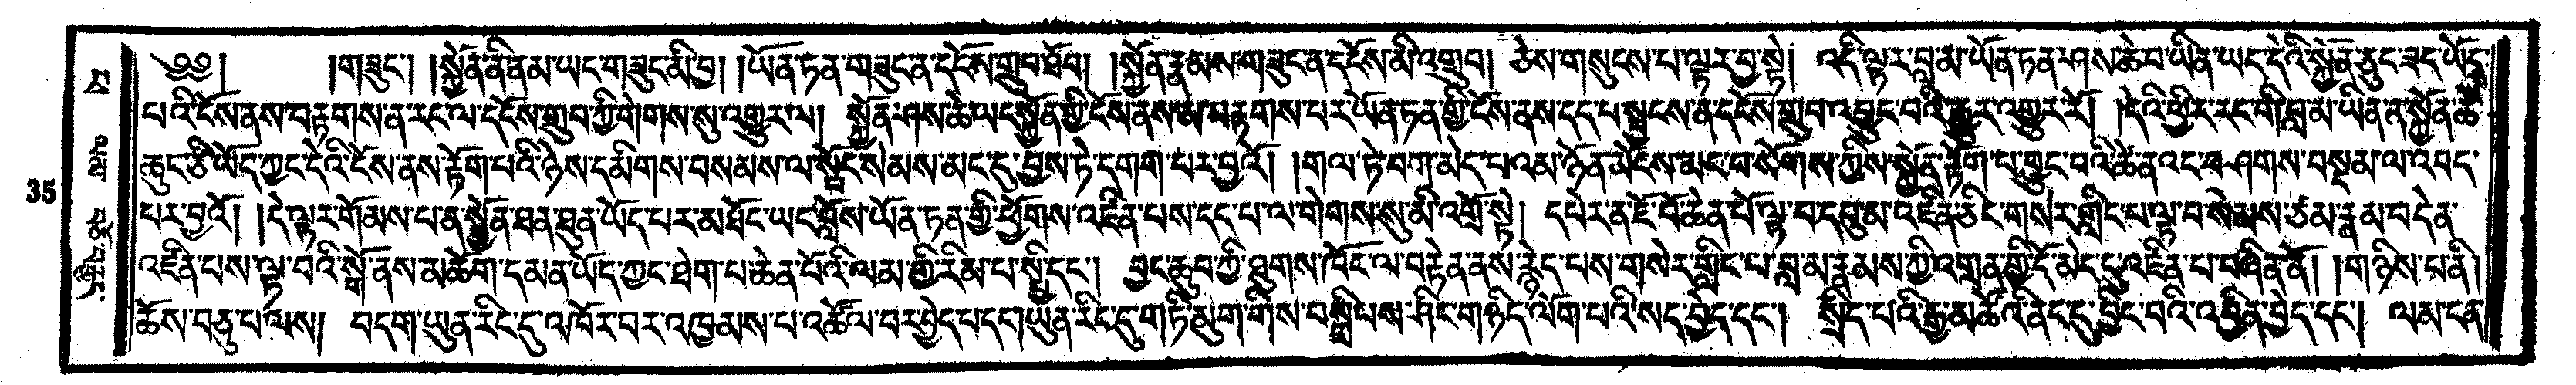༄༅། །གཟུང་། །སྐྱོན་ནི་ནམ་ཡང་གཟུང་མི་བྱ། །ཡོན་ཏན་གཟུང་ན་དངོས་གྲུབ་ཐོབ། །སྐྱོན་རྣམས་གཟུང་ན་དངོས་མི་འགྲུབ། ཅེས་གསུངས་པ་ལྟར་བྱ་སྟེ། འདི་ལྟར་བླ་མ་ཡོན་ཏན་ཤས་ཆེ་བ་ཡིན་ཡང་དེའི་སྐྱོན་ཅུང་ཟད་ཡོད་
པའི་ངོས་ནས་བརྟགས་ན་རང་ལ་དངོས་གྲུབ་ཀྱི་གེགས་སུ་འགྱུར་ལ། སྐྱོན་ཤས་ཆེ་ཡང་སྐྱོན་གྱི་ངོས་ནས་མ་བརྟགས་པར་ཡོན་ཏན་གྱི་ངོས་ནས་དད་པ་སྦྱངས་ན་དངོས་གྲུབ་འབྱུང་བའི་རྒྱུར་འགྱུར་རོ། །དེའི་ཕྱིར་རང་གི་བླ་མ་ཡིན་ན་སྐྱོན་ཆེ་
ཆུང་ཅི་ཡོད་ཀྱང་དེའི་ངོས་ནས་རྟོག་པའི་ཉེས་དམིགས་བསམས་ལ་སྤོང་སེམས་མང་དུ་བྱས་ཏེ་དགག་པར་བྱའོ། །གལ་ཏེ་བག་མེད་པའམ་ཉོན་མོངས་མང་བ་སོགས་ཀྱིས་སྐྱོན་རྟོག་པ་བྱུང་བའི་ཚེ་ནའང་བཤགས་བསྡམ་ལ་འབད་
པར་བྱའོ། །དེ་ལྟར་གོམས་པ་ན་སྐྱོན་ཐན་ཐུན་ཡོད་པར་མཐོང་ཡང་བློས་ཡོན་ཏན་གྱི་ཕྱོགས་འཛིན་པས་དད་པ་ལ་གེགས་སུ་མི་འགྲོ་སྟེ། དཔེར་ན་ཇོ་བོ་ཆེན་པོ་ལྟ་བ་དབུ་མ་འཛིན་ཅིང་གསེར་གླིང་པ་ལྟ་བ་སེམས་ཙམ་རྣམ་བདེན་
འཛིན་པས་ལྟ་བའི་སྒོ་ནས་མཆོག་དམན་ཡོད་ཀྱང་ཐེག་པ་ཆེན་པོའི་ལམ་གྱི་རིམ་པ་སྤྱི་དང་། བྱང་ཆུབ་ཀྱི་ཐུགས་ཁོང་ལ་བརྟེན་ནས་རྙེད་པས་གསེར་གླིང་པ་བླ་མ་རྣམས་ཀྱི་འགྲན་གྱི་དོ་མེད་དུ་འཛིན་པ་བཞིན་ནོ། །གཉིས་པ་ནི།
ཆོས་བཅུ་པ་ལས། བདག་ཡུན་རིང་དུ་འཁོར་བར་འཁྱམས་པ་འཚོལ་བར་བྱེད་པ་དང་། ཡུན་རིང་དུ་གཏི་མུག་གིས་བསྒྲིབས་པས་ཤིང་གཉིད་ལོག་པའི་སད་བྱེད་དང་། སྲིད་པའི་རྒྱ་མཚོའི་ནང་དུ་བྱིང་བའི་འབྱིན་བྱེད་དང་། ལམ་ངན་